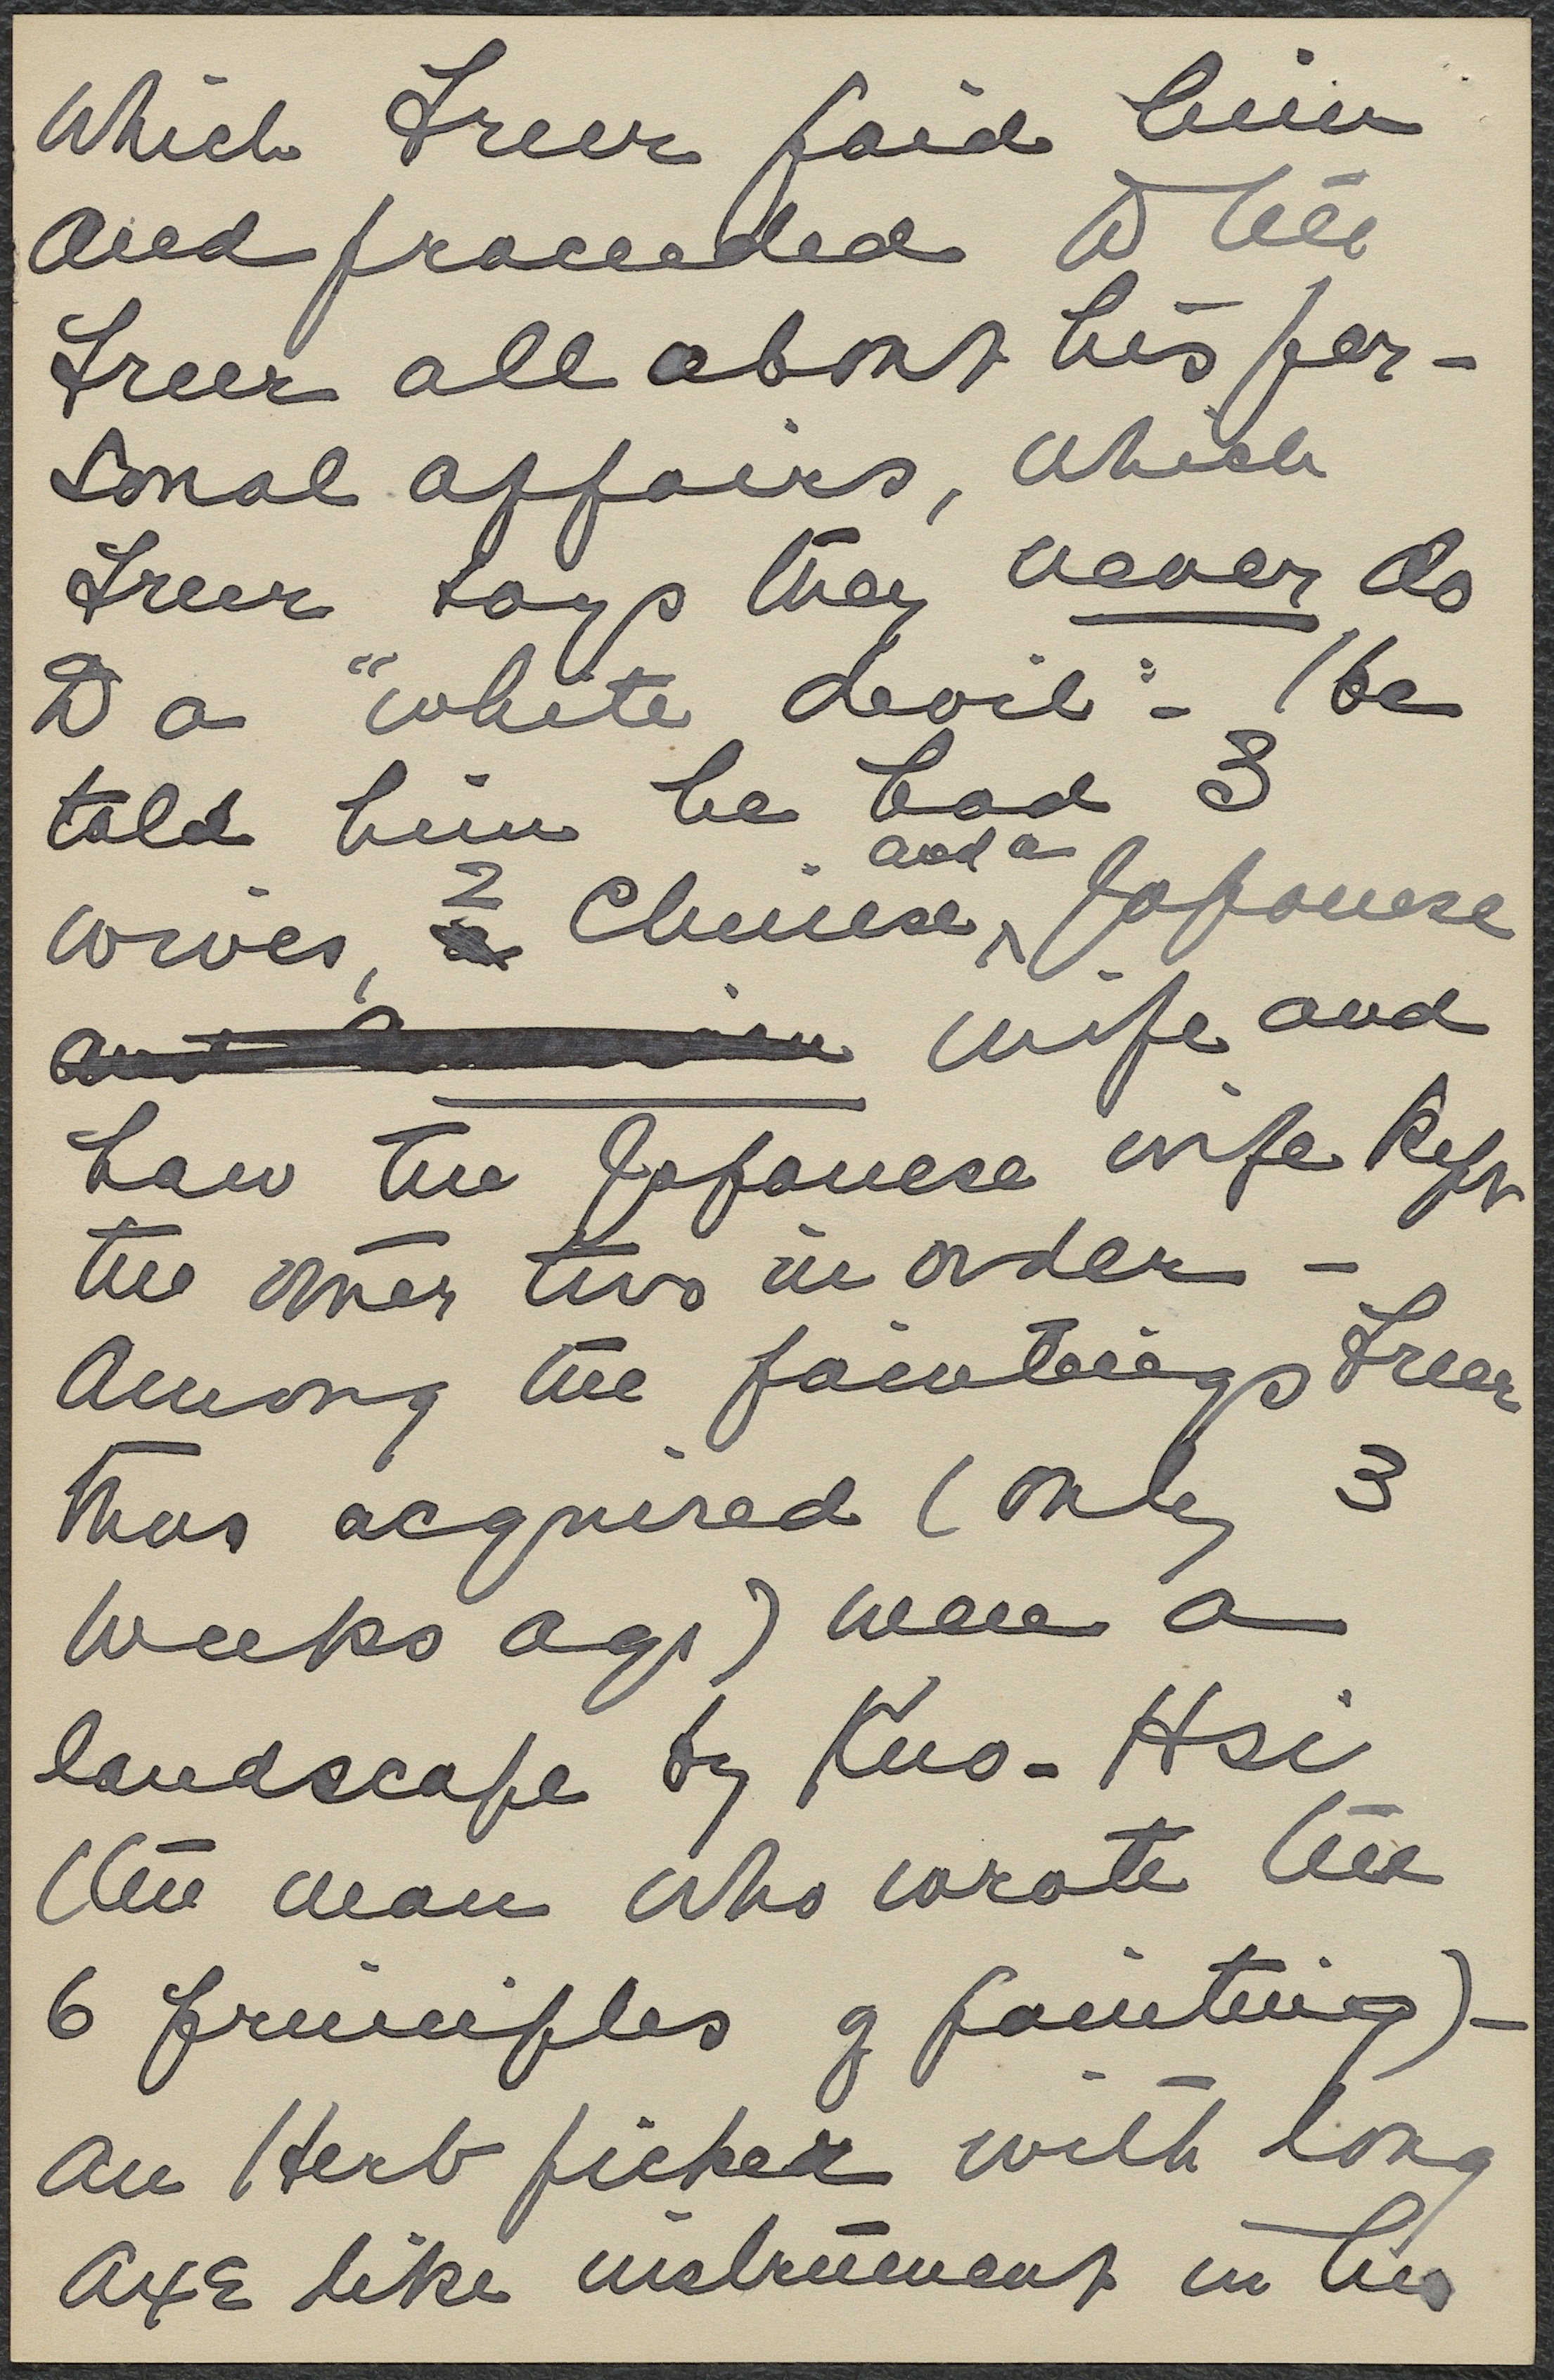which Freer paid him and proceeded to tell Freer all about his personal affairs, which Freer says they never do to a “white devil” – He told him he had 3 wives, a [^2^] Chinese [^ and a^] Japanese and American wife and how the Japanese wife kept the other two in order – Among the paintings Freer thus acquired (only 3 weeks ago) were a landscape by Kuo-Hsi (the man who wrote the 6 principles of painting) – an Herb picker with long axe like instrument in his